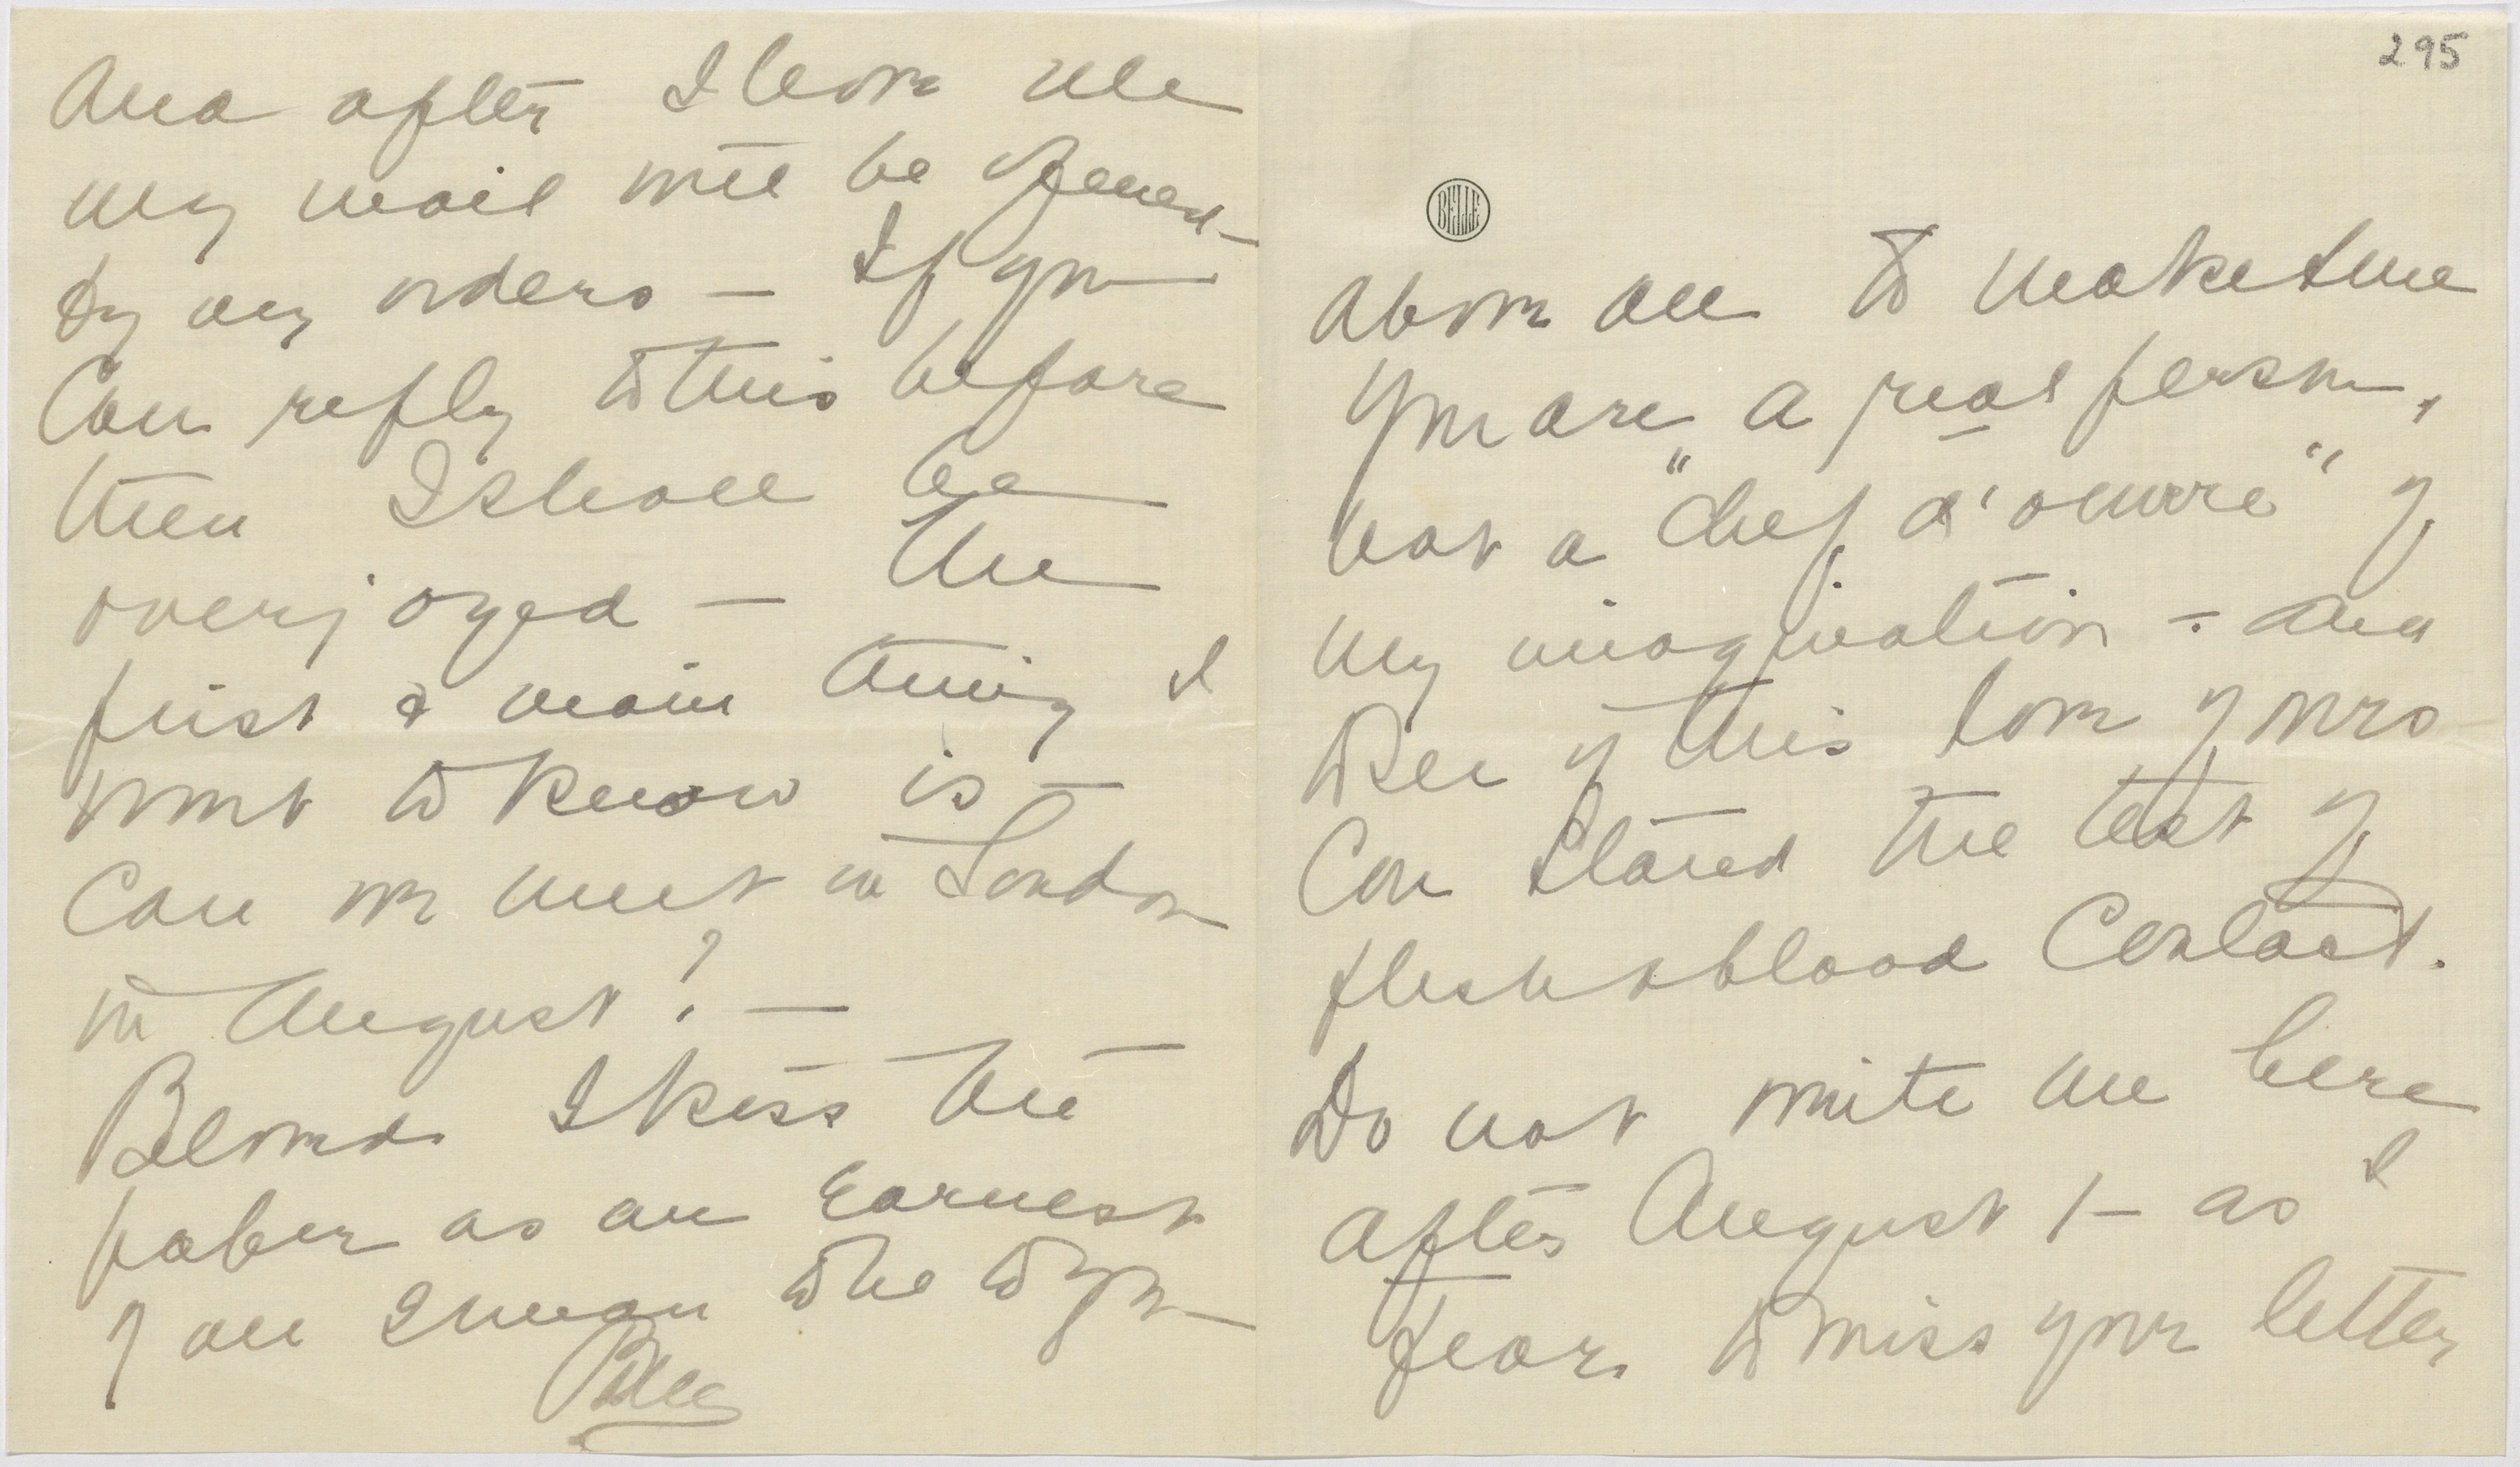above all to make sure you are a real person, not a “chef d’oeuvre” of my imagination – and to see if this love of ours can stand the test of flesh & blood contact. Do not write me here after August 1 – as I fear to miss your letter
and after I leave all my mail will be opened – by my orders – If you can reply to this before then I shall be overjoyed – The first & main thing I want to know is – can we meet in London in August? –
Beloved I kiss the paper as an earnest of all I mean to be to you –
Belle